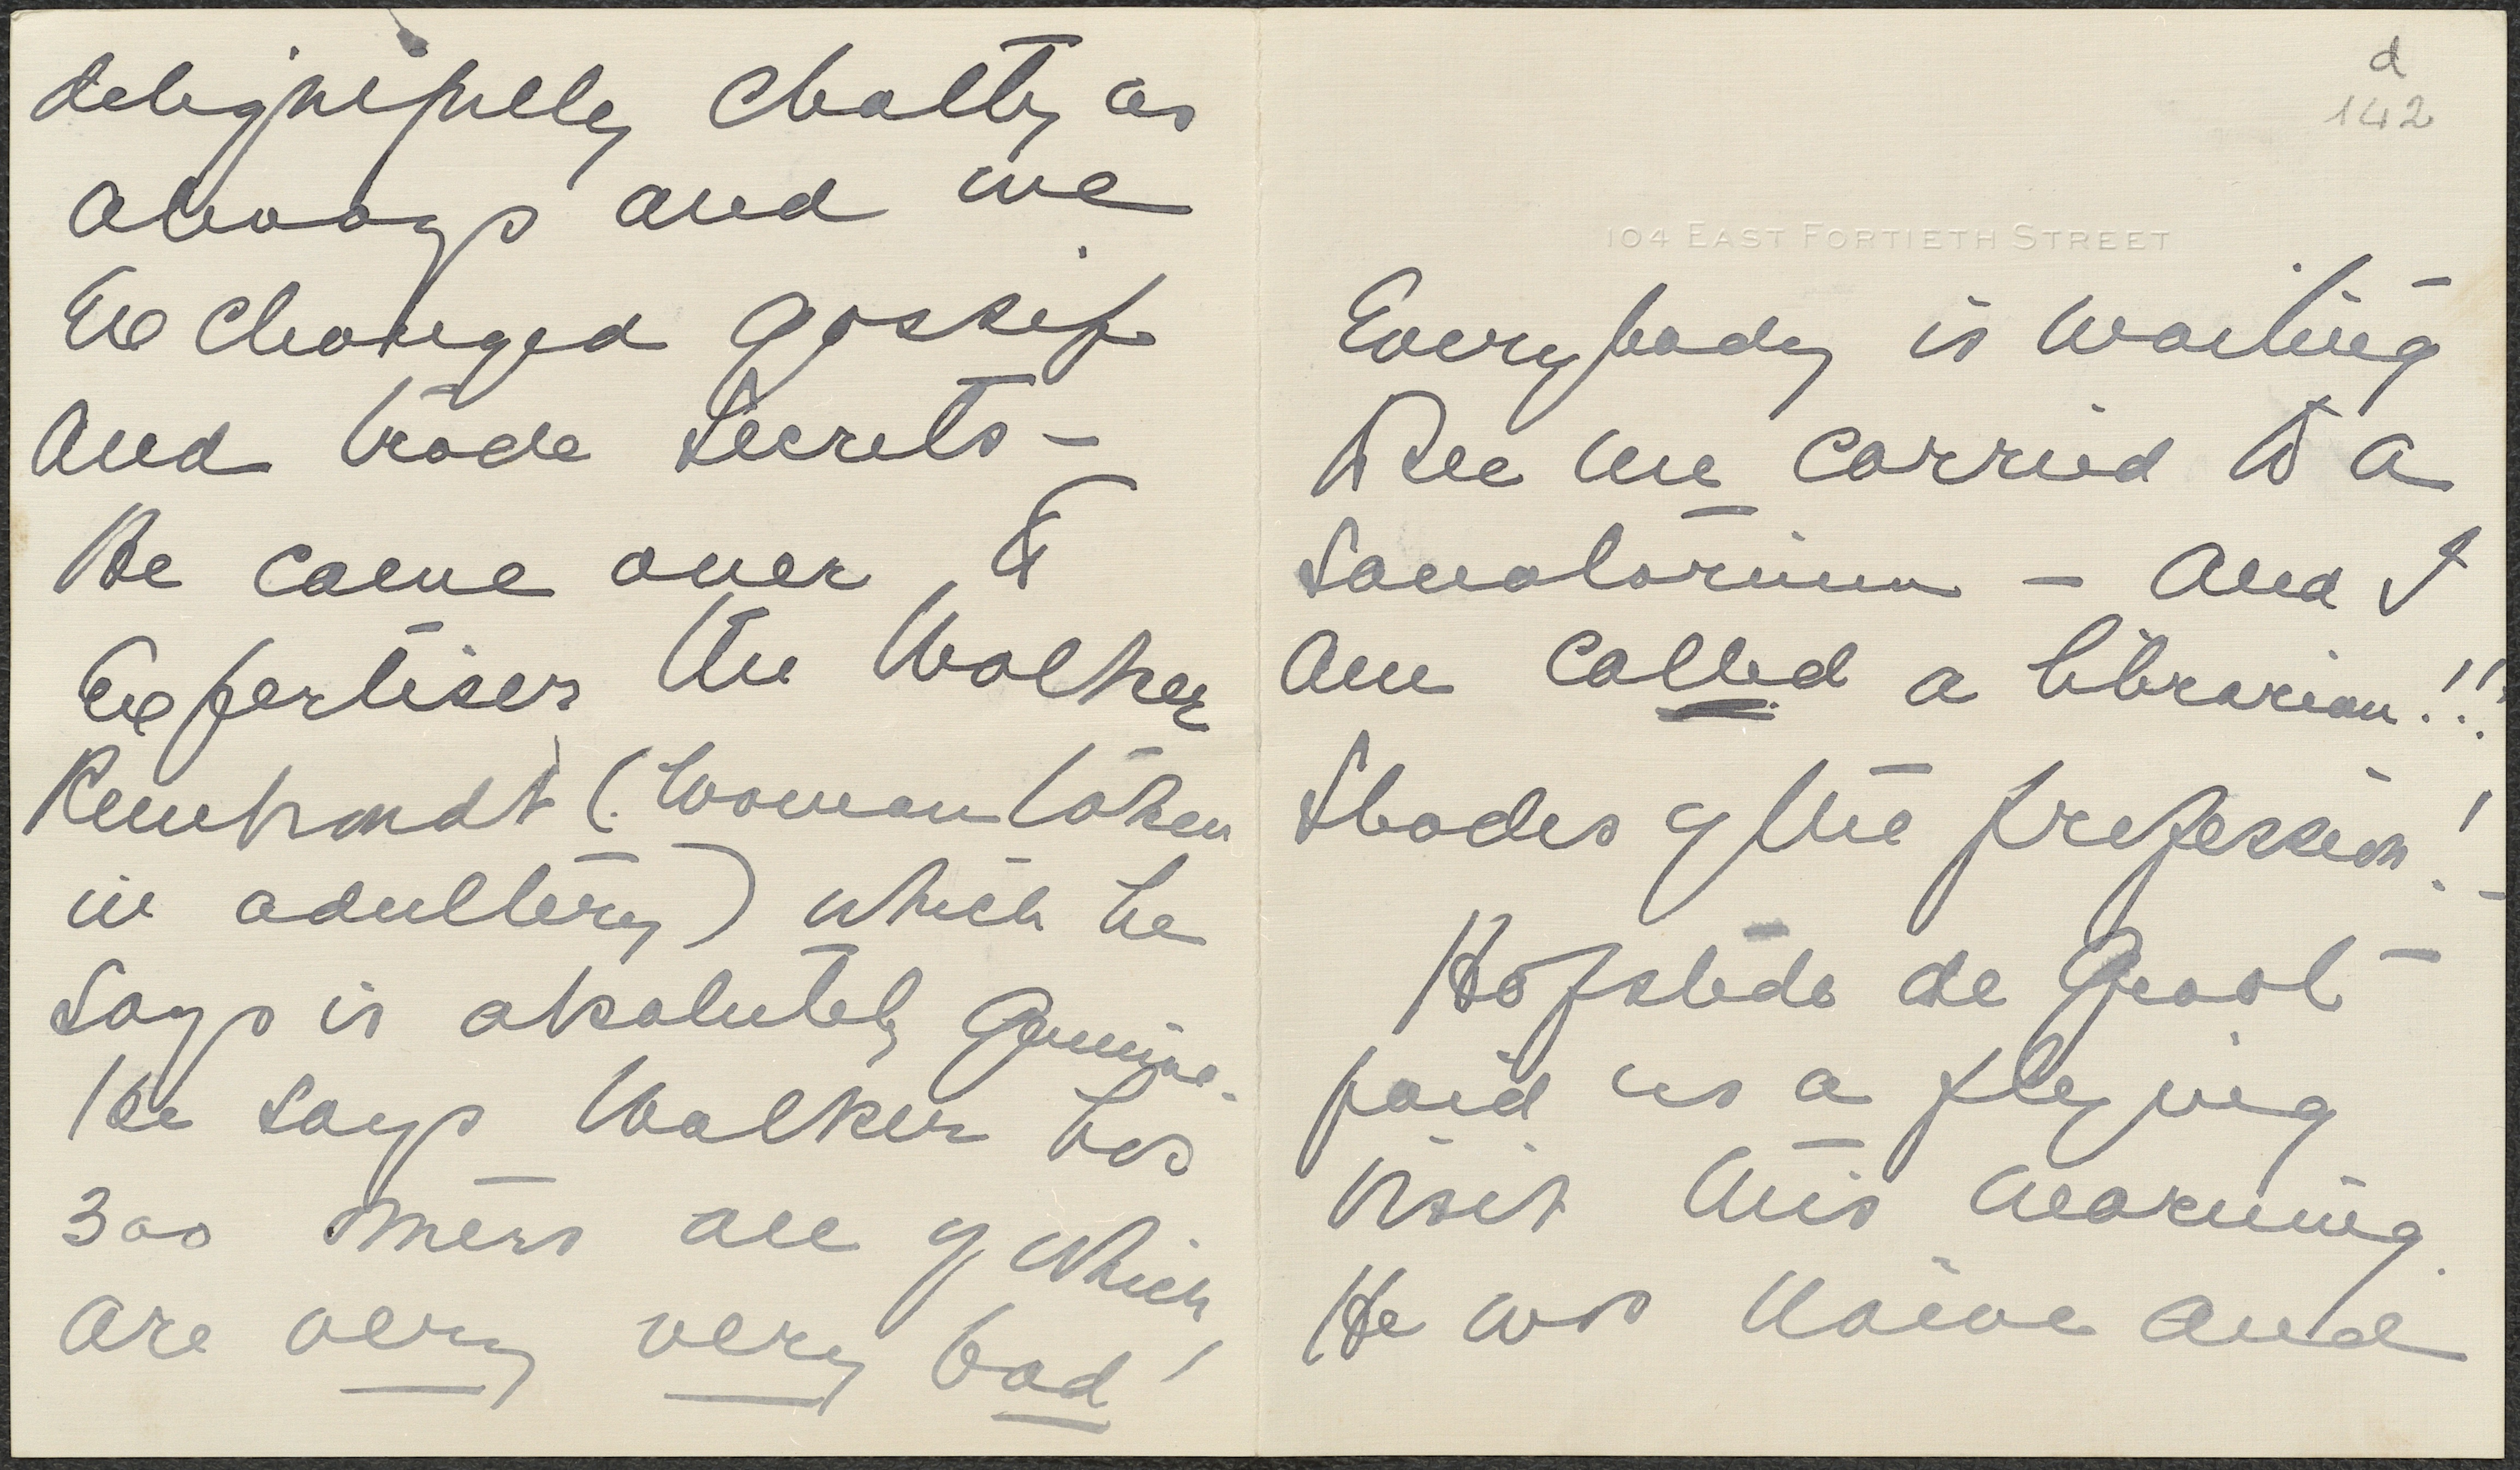everybody is waiting to see me carried to a sanatorium – and I am called a librarian!!! Shades of the profession! – Hofstede de Groot paid us a flying visit this morning. He was naive and
delightfully chatty as always and we exchanged gossip and trade secrets – He came over to expertiser the Walker Rembrandt (Woman taken in adultery) which he says is absolutely genuine. He says Walker has 300 others all of which are very very bad